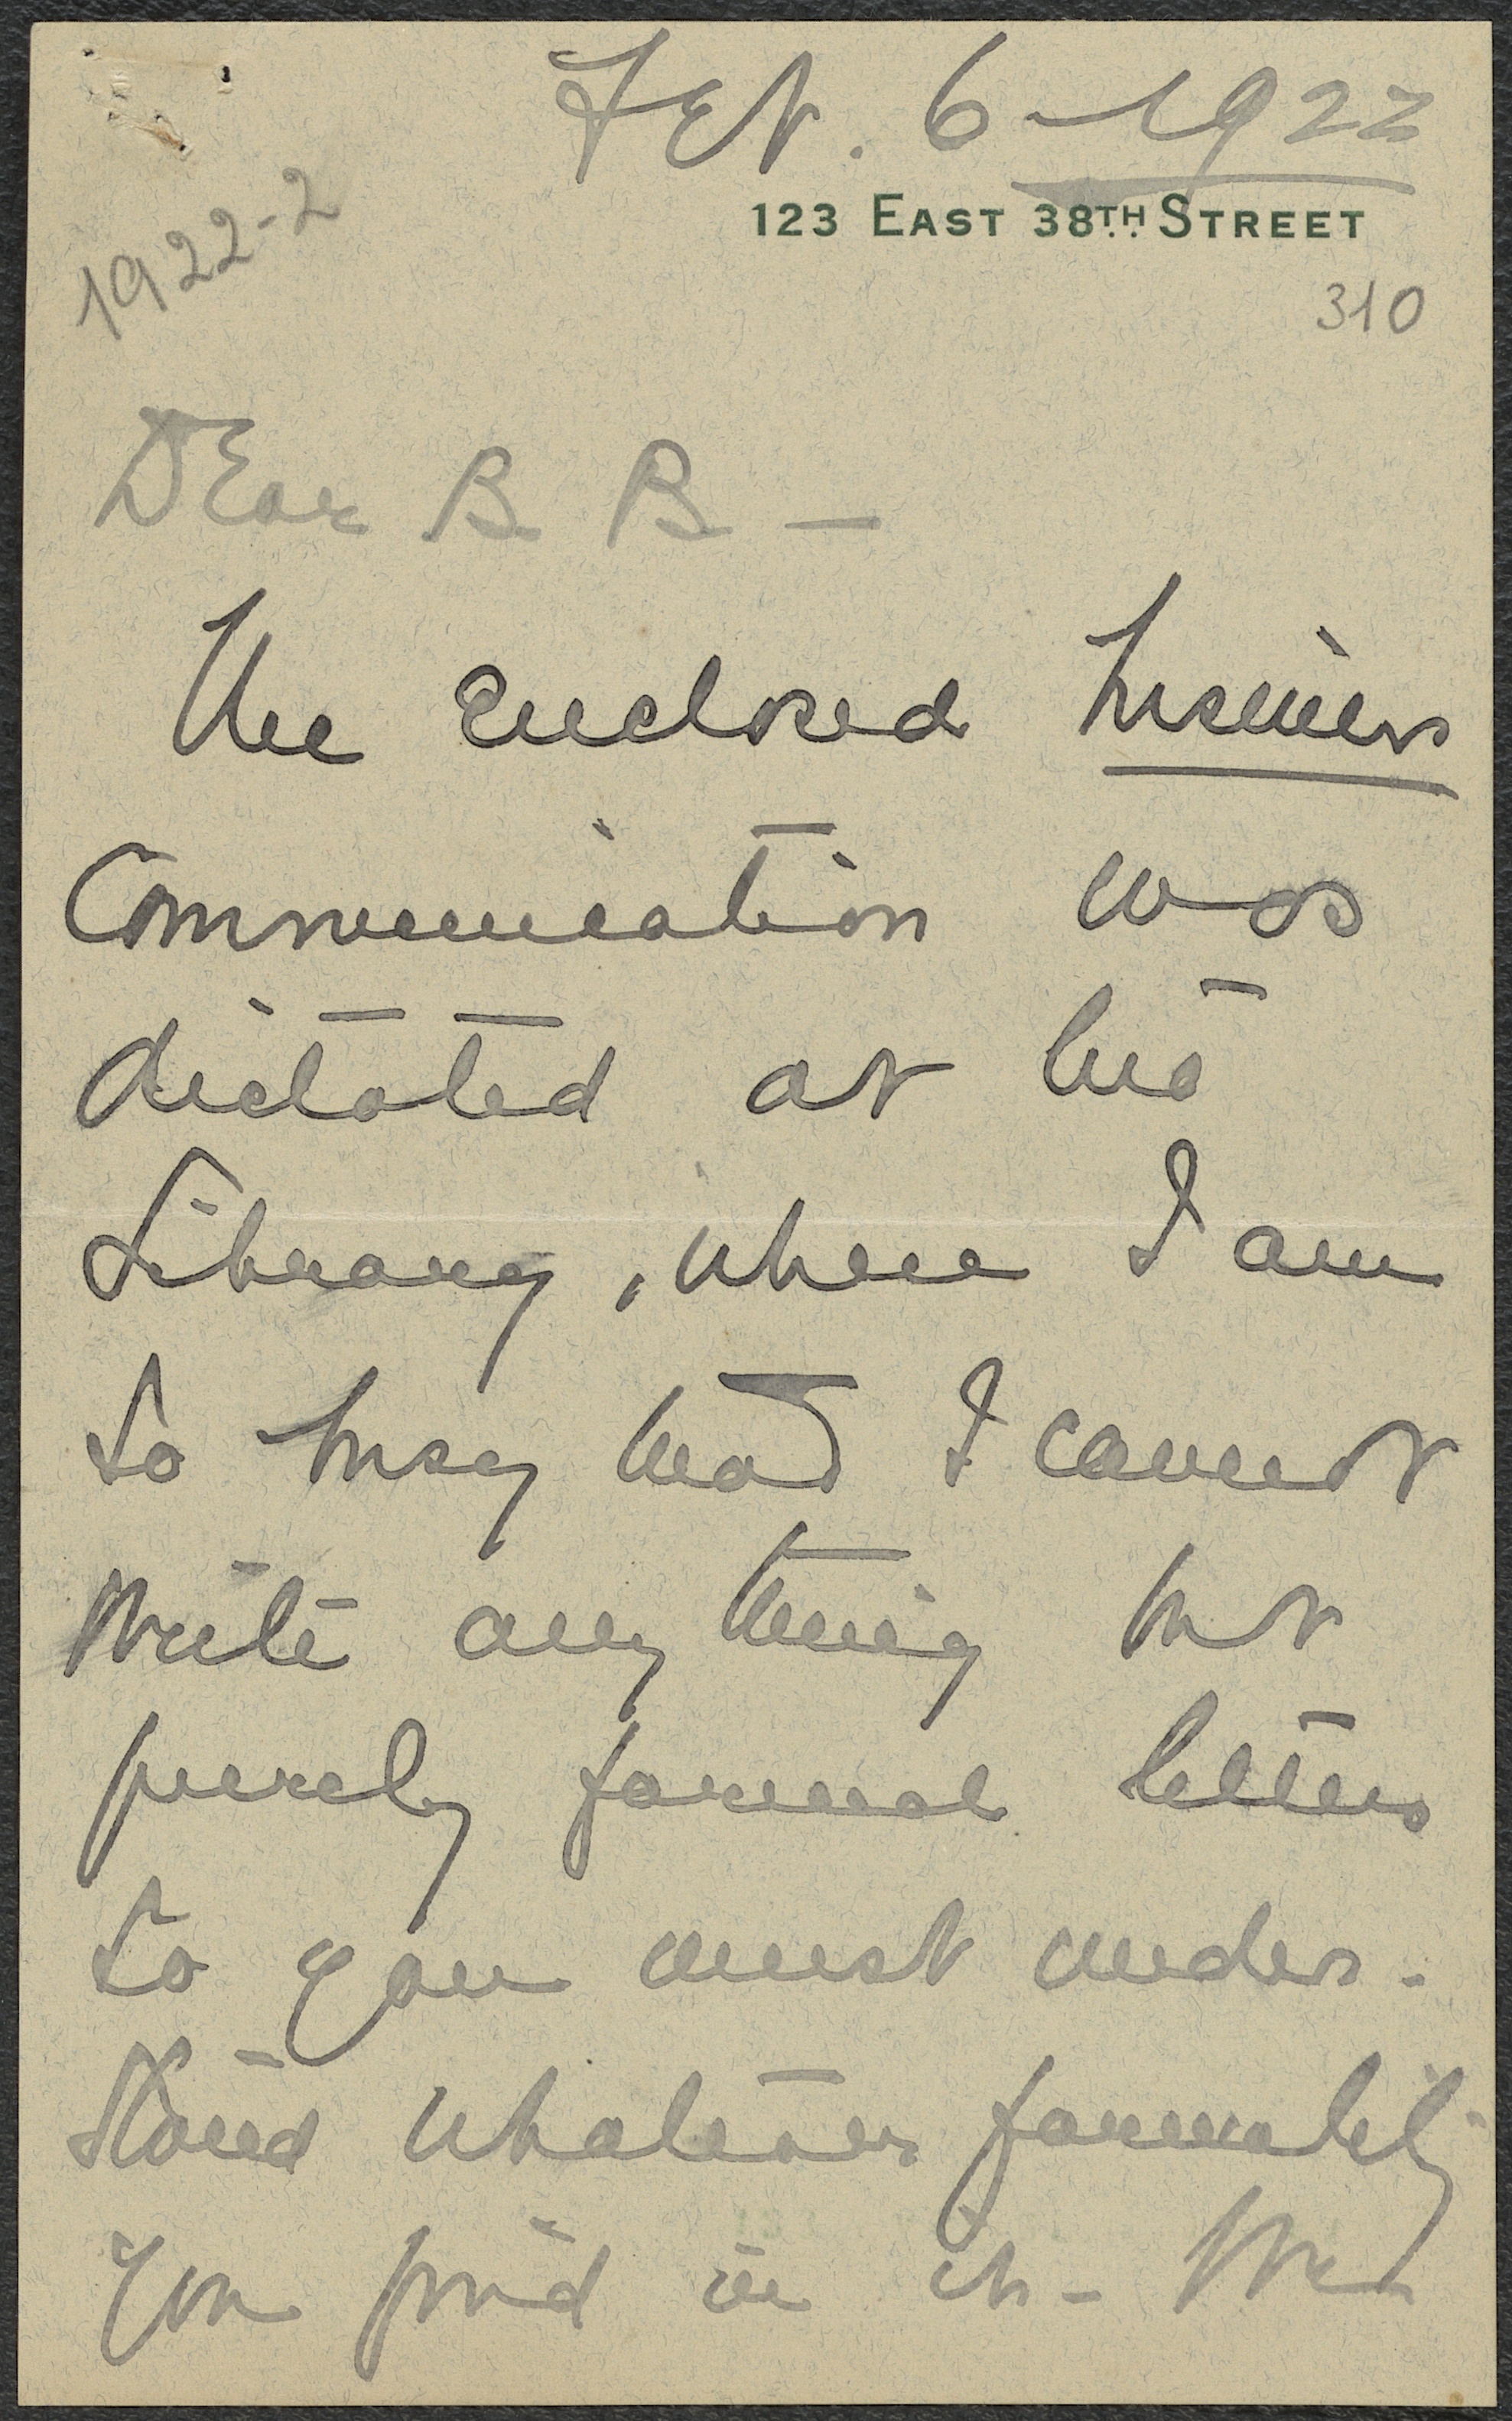Feb. 6 1922
Dear B. B. –
The enclosed business communication was dictated at the Library, where I am so busy that I cannot write any thing but purely formal letters so you must understand whatever formality you find in it – We